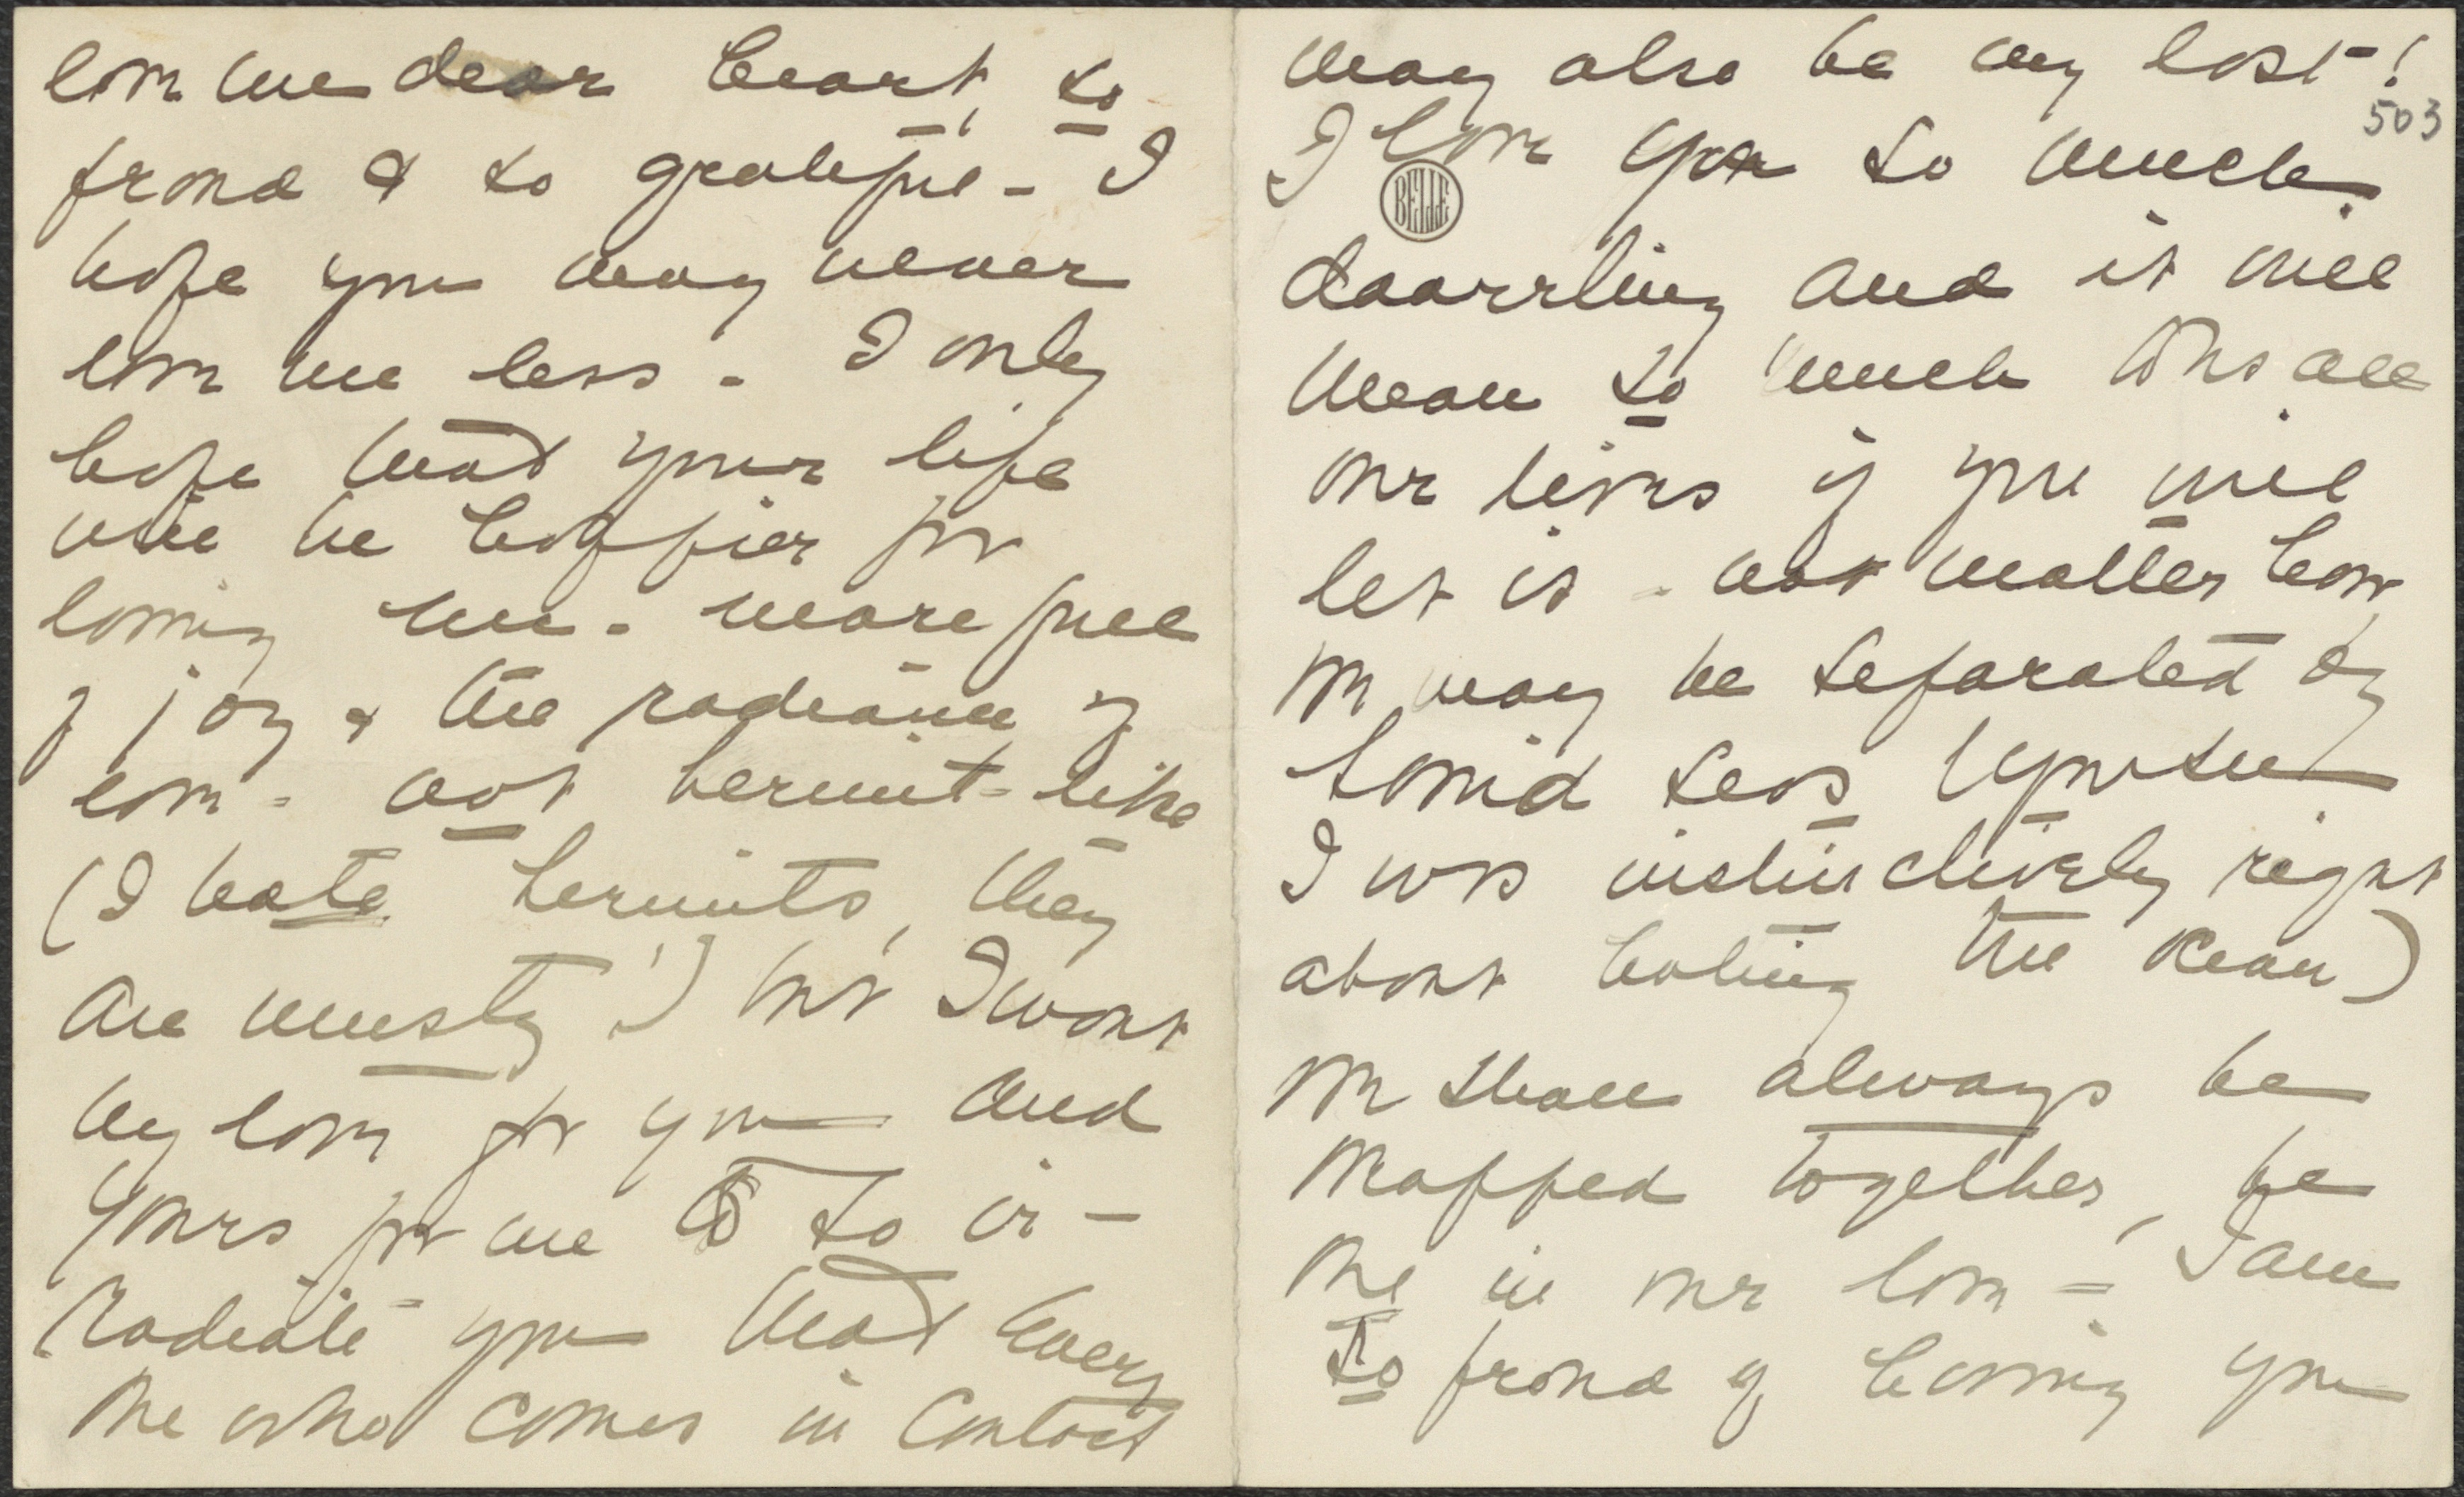may also be my last! I love you so much daarrling and it will mean so much to us all our lives if you will let it – not matter how we may be separated by horrid seas (you see I was instinctively right about hating the ocean) we shall always be wrapped together, be one in our love – I am so proud of having you
love me dear heart, so proud & so grateful – I hope you may never love me less – I only hope that your life will be happier for loving me – more full of joy & the radiance of love – not hermit-like (I hate hermits, they are musty!) but I want my love for you and yours for me to so irradiate you that every one who comes in contact